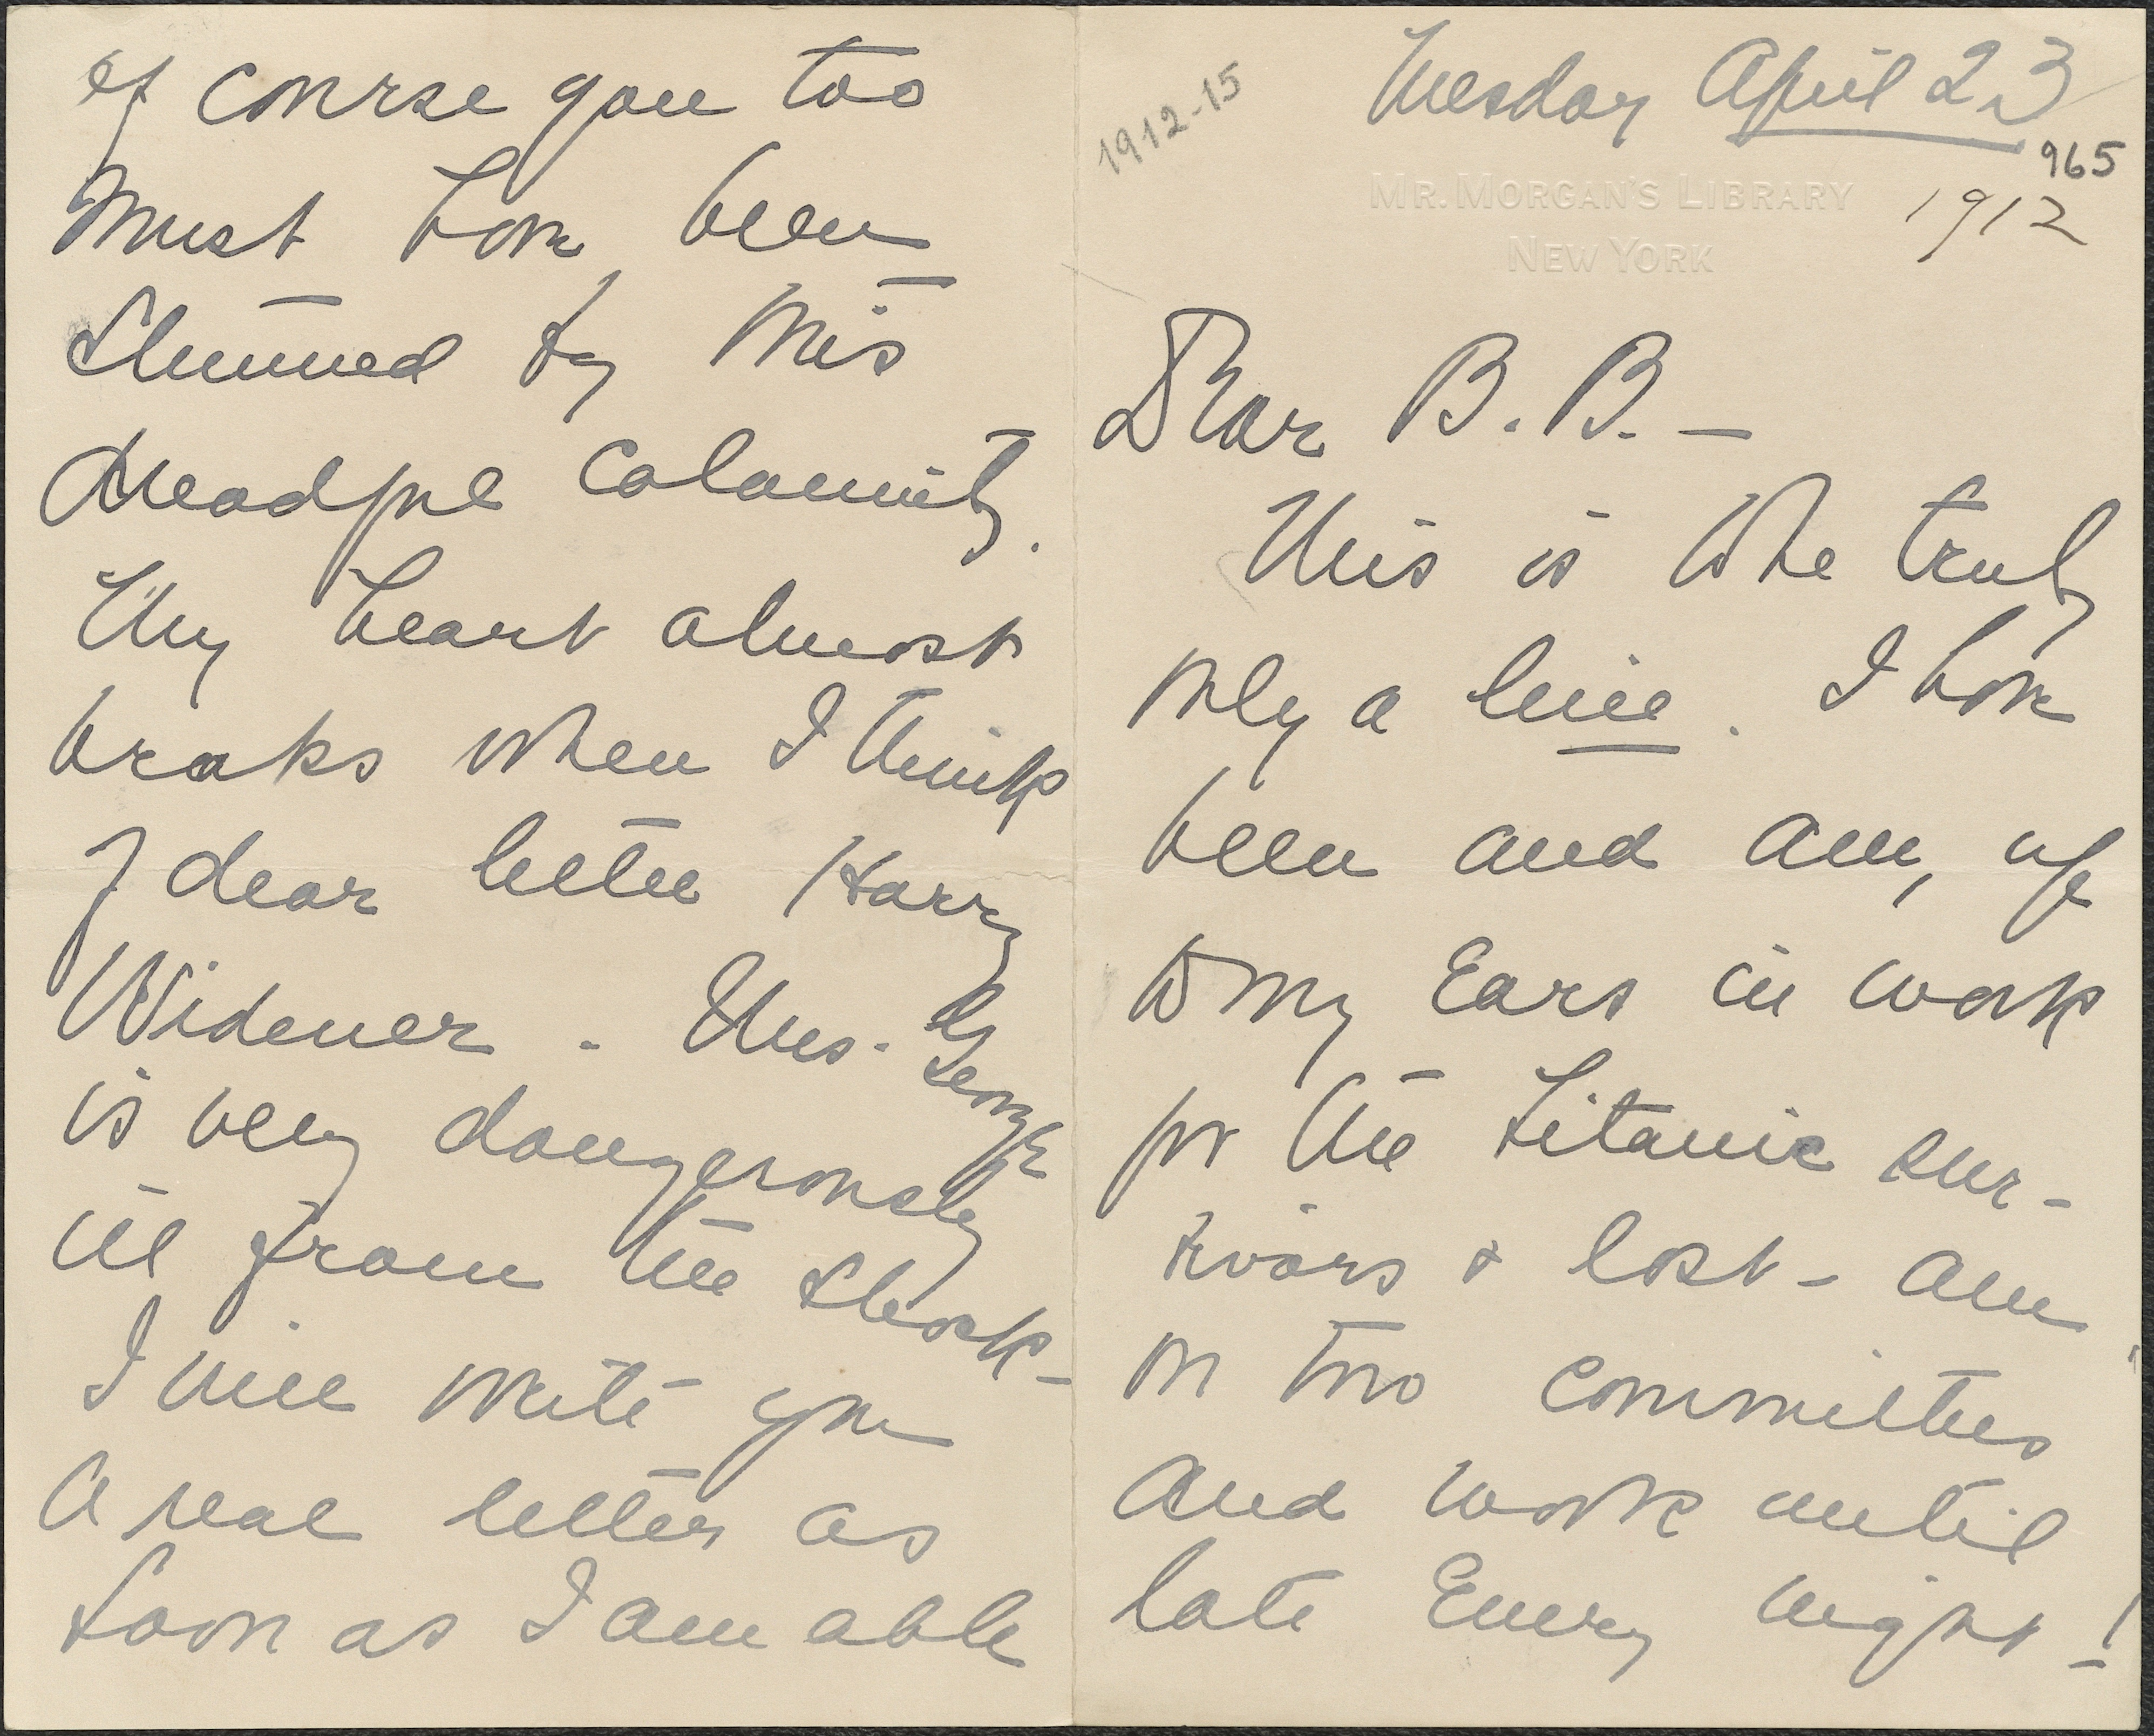Tuesday April 23
Dear B. B. –
This is to be truly only a line. I have been and am, up to my ears in work for the Titanic survivors & lost – am on two committees and work until late every night –
of course you too must have been stunned by this dreadful calamity. My heart almost breaks when I think of dear little Harry Widener – Mrs. George is very dangerously ill from the shock –
I will write you a real letter as soon as I am able